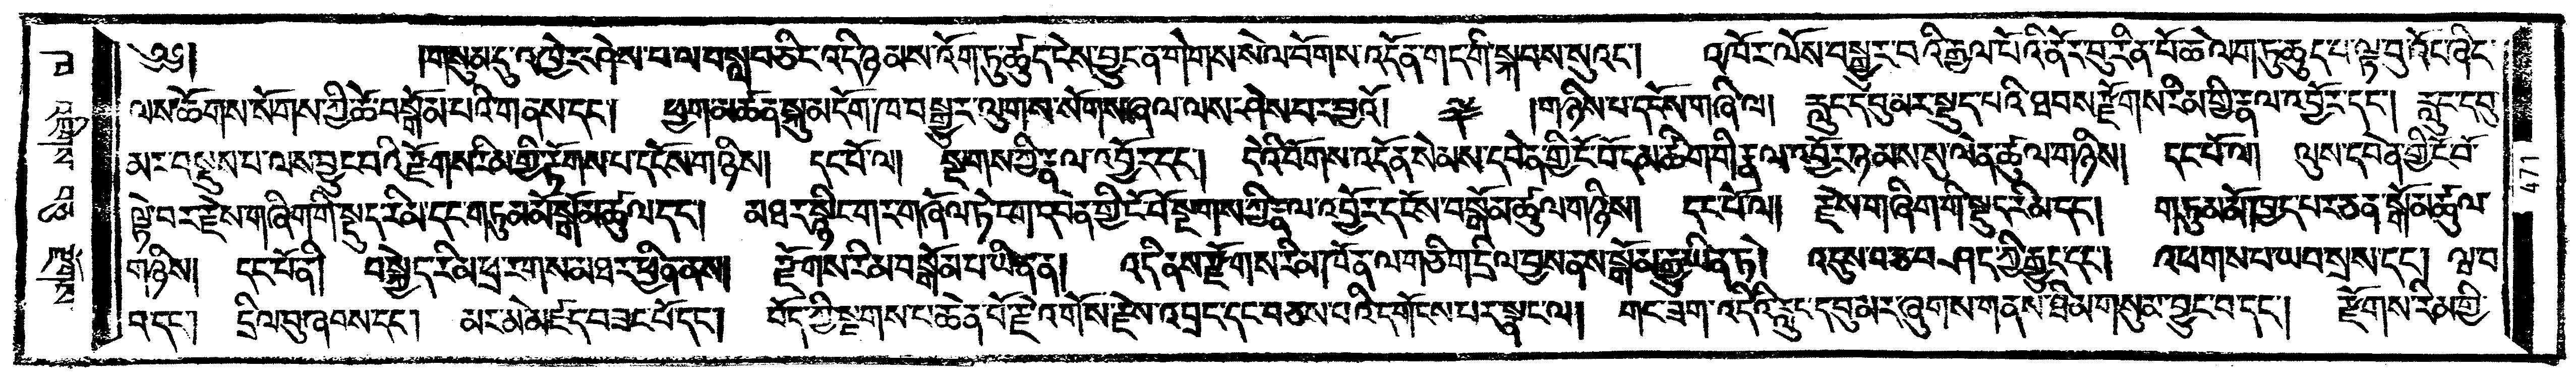༄༅། །གསུམ་དུ་འཁྱེར་ཤེས་པ་ལ་བསླབ་ཅིང་འདི་ཉམས་འོག་ཏུ་ཚུད་ངེས་བྱུང་ན་གེགས་སེལ་བོགས་འདོན་གང་གི་སྐབས་སུའང་། འཁོར་ལོས་བསྒྱུར་བའི་རྒྱལ་པོའི་ནོར་བུ་རིན་པོ་ཆེ་ལག་ཏུ་ཆུད་པ་ལྟ་བུ་འོང་ཞིང་
ལས་ཆོགས་སོགས་ཀྱི་ཚེ་བསྒོམ་པའི་གནས་དང་། ཕྱག་མཚན་སྐུ་མདོག་ཁ་བསྒྱུར་ལུགས་སོགས་ཞལ་ལས་ཤེས་པར་བྱའོ། ༈ །གཉིས་པ་དངོས་གཞི་ལ། རླུང་དབུ་མར་སྡུད་པའི་ཐབས་རྫོགས་རིམ་གྱི་རྣལ་འབྱོར་དང་། རླུང་དབུ་
མར་བསྡུས་པ་ལས་བྱུང་བའི་རྫོགས་རིམ་གྱི་རྟོགས་པ་དངོས་གཉིས། དང་པོ་ལ། སྔགས་ཀྱི་རྣལ་འབྱོར་དང་། དེའི་བོགས་འདོན་སེམས་དབེན་གྱི་ངོ་བོ་དམ་ཚིག་གི་རྣལ་འབྱོར་ཉམས་སུ་ལེན་ཚུལ་གཉིས། དང་པོ་ལ། ལུས་དབེན་གྱི་ངོ་བོ་
ལྟེ་བར་རྗེས་གཞིག་གི་སྡུད་རིམ་དང་གཏུམ་མོ་སྒོམ་ཚུལ་དང་། མཐར་སྙིང་གར་གཞོལ་ཏེ་ངག་དབེན་གྱི་ངོ་བོ་སྔགས་ཀྱི་རྣལ་འབྱོར་དངོས་བསྒོམ་ཚུལ་གཉིས། དང་པོ་ལ། རྗེས་གཞིག་གི་སྡུད་རིམ་དང་། གཏུམ་མོ་ཁྱད་པར་ཅན་སྒོམ་ཚུལ་
གཉིས། དང་པོ་ནི། བསྐྱེད་རིམ་ཕྲ་རགས་མཐར་ཕྱིན་ནས། རྫོགས་རིམ་བསྒོམ་པ་ཡིན་ན། འདི་ནས་རྫོགས་རིམ་ཁོ་ན་ལ་གཅིག་དྲིལ་བྱས་ནས་སྒོམ་རྒྱུ་ཡིན་ཏེ། འདུས་པ་རྩ་བཤད་ཀྱི་རྒྱུད་དང་། འཕགས་པ་ཡབ་སྲས་དང་། ཝ་བ་
བ་དང་། དྲིལ་བུ་ཞབས་དང་། མར་མེ་མཛད་བཟང་པོ་དང་། བོད་ཀྱི་སྔགས་པ་ཆེན་པོ་རྗེ་འགོས་རྗེས་འབྲང་དང་བཅས་པའི་དགོངས་པར་སྣང་ལ། གང་ཟག་འདིའི་རླུང་དབུ་མར་ཞུགས་གནས་ཐིམ་གསུམ་བྱུང་བ་དང་། རྫོགས་རིམ་གྱི་